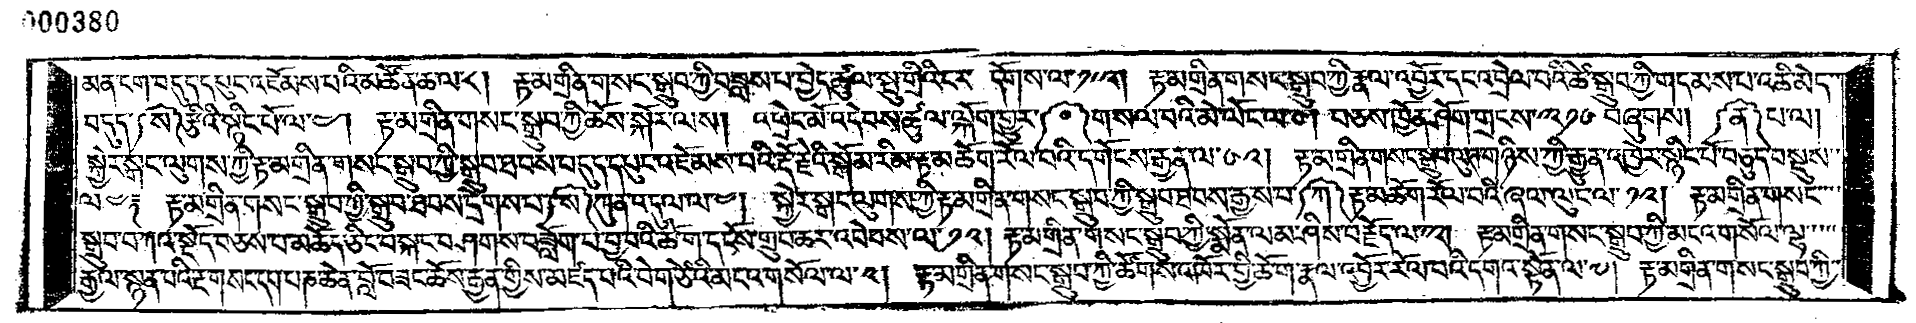མན་ངག་བདུད་དཔུང་འཇོམས་པའི་མཚོན་ཆ་ལ ༨། རྟ་མགྲིན་གསང་སྒྲུབ་ཀྱི་བཟླས་པ་བྱེད་ཚུལ་སྤུ་གྲིའི་ངར་དོགས་ལ ༡༣། རྟ་མགྲིན་གསང་སྒྲུབ་ཀྱི་རྣལ་འབྱོར་དང་འབྲེལ་བའི་ཚེ་སྒྲུབ་ཀྱི་གདམས་པ་འཆི་མེད་
བདུད ༼ས༽ རྩིའི་སྙིང་པོ་ལ ༤། རྟ་མགྲིན་གསང་སྒྲུབ་ཀྱི་ཆོས་སྐོར་ལས། འཕྲེང་མོ་འདེབས་ཚུལ་ལྐོག་གྱུར ༼༠༽ གསལ་བའི་མེ་ལོང་ལ ༦། བཅས་ཁྱོན་ཤོག་གྲངས ༣༡༦་བཞུགས། ༼ན༽ པ་ལ།
སྐྱེར་སྒང་ལུགས་ཀྱི་རྟ་མགྲིན་གསང་སྒྲུབ་ཀྱི་སྒྲུབ་ཐབས་བདུད་དཔུང་འཇོམས་པའི་རྡོ་རྗེའི་སྒོམ་རིམ་རྟ་མཆོག་རོལ་བའི་དགོངས་རྒྱན་ལ ༦༢། རྟ་མགྲིན་གསང་སྒྲུབ་ལུཊ་གཉིས་ཀྱི་རྒྱུན་འཁྱེར་སྙིང་པོ་བཅུད་བསྡུས་
ལ ༤༑ རྟ་མགྲིན་གསང་སྒྲུབ་ཀྱི་སྒྲུབ་ཐབས་དྲེགས་པ ༼ས༽ ཀུན་འདུལ་ལ ༤། སྐྱེར་སྒང་ལུགས་ཀྱི་རྟ་མགྲིན་གསང་སྒྲུབ་ཀྱི་སྒྲུབ་ཐབས་རྒྱས་པ ༼ཀ༽ རྟ་མཆོག་རོལ་པའི་ཞལ་ལུང་ལ ༡༢། རྟ་མགྲིན་གསང་
སྒྲུབ་བཀའ་སྡོད་བཅས་པ་མཆོད་ཅིང་བསྐང་བཤགས་བཟློག་པ་བྱ་བའི་ཆོ་ག་དངོས་གྲུབ་ཆར་འབེབས་ལ ༡༢། རྟ་མགྲིན་གསང་སྒྲུབ་ཀྱི་སྨོན་ལམ་ཤིས་བརྗོད་ལ ༣། རྟ་མགྲིན་གསང་སྒྲུབ་ཀྱི་མངའ་གསོལ་ལྷ་
རྒྱལ་སྙན་པའི་རྔ་གསང་དང་། པཎ་ཆེན་བློ་བཟང་ཆོས་རྒྱན་གྱིས་མཛད་པའི་བེག་ཙེའི་མངའ་གསོལ་ལ ༢། རྟ་མགྲིན་གསང་སྒྲུབ་ཀྱི་ཚོགས་འཁོར་གྱི་ཆོ་ག་རྣལ་འབྱོར་རོལ་བའི་དགའ་སྟོན་ལ ༧། རྟ་མགྲིན་གསང་སྒྲུབ་ཀྱི་